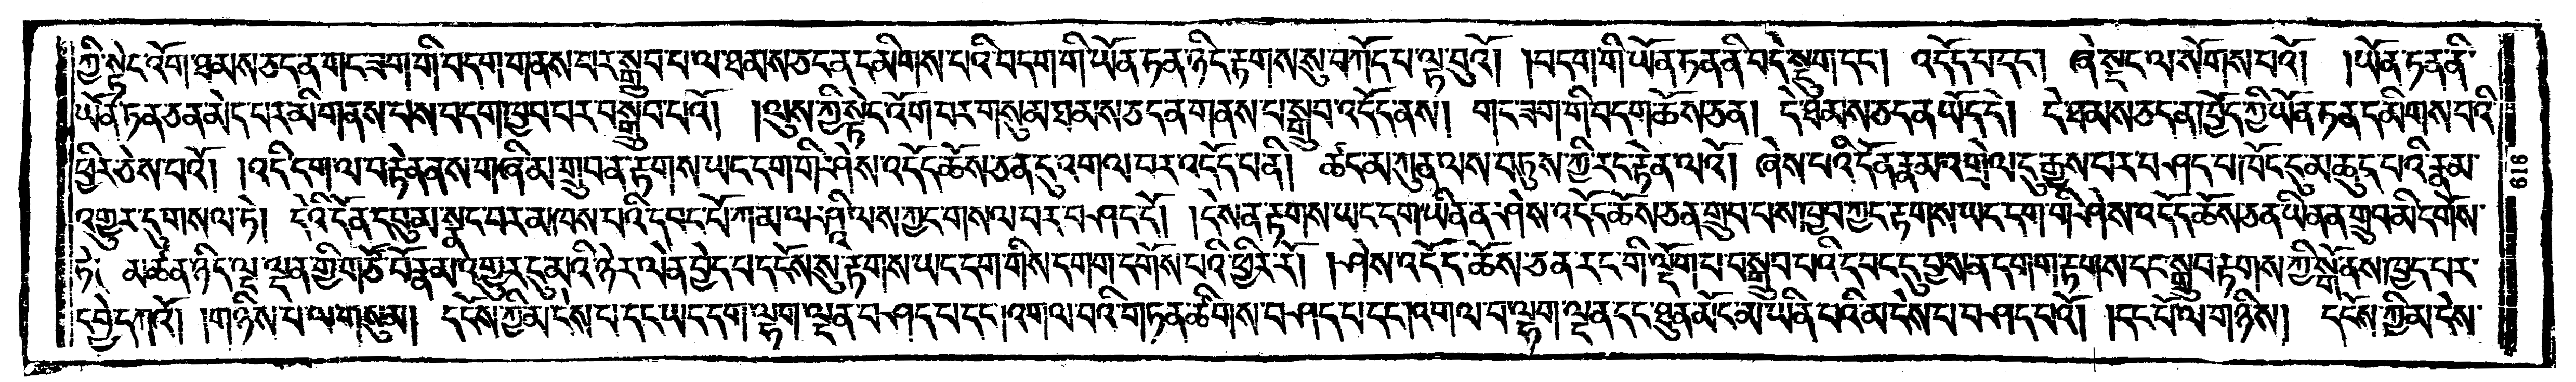ཀྱི་སྟེང་འོག་ཐམས་ཅད་ན་གང་ཟག་གི་བདག་གནས་པར་སྒྲུབ་པ་ལ་ཐམས་ཅད་ན་དམིགས་པའི་བདག་གི་ཡོན་ཏན་ཉིད་རྟགས་སུ་བཀོད་པ་ལྟ་བུའོ། །བདག་གི་ཡོན་ཏན་ནི་བདེ་སྡུག་དང་། འདོད་པ་དང་། ཞེ་སྡང་ལ་སོགས་པའོ། །ཡོན་ཏན་ནི་
ཡོན་ཏན་ཅན་མེད་པར་མི་གནས་པས་བདག་ཁྱབ་པར་བསྒྲུབ་པའོ། །ལུས་ཀྱི་སྟེང་འོག་བར་གསུམ་ཐམས་ཅད་ན་གནས་པ་སྒྲུབ་འདོད་ནས། གང་ཟག་གི་བདག་ཆོས་ཅན། དེ་ཐམས་ཅད་ན་ཡོད་དེ། དེ་ཐམས་ཅད་ན་ཁྱོད་ཀྱི་ཡོན་ཏན་དམིགས་པའི་
ཕྱིར་ཅེས་པའོ། །འདི་དག་ལ་བརྟེན་ནས་གཞི་མ་གྲུབ་ན་རྟགས་ཡང་དག་གི་ཤེས་འདོད་ཆོས་ཅན་དུ་འགལ་བར་འདོད་པ་ནི། ཚད་མ་ཀུན་ལས་བཏུས་ཀྱི་རང་རྟེན་ལའོ། ཞེས་པའི་དོན་རྣམ་འགྲེལ་དུ་རྒྱས་པར་བཤད་པ་ཁོང་དུ་མ་ཆུད་པའི་རྣམ་
འགྱུར་དུ་གསལ་ཏེ། དེའི་དོན་དབུ་མ་སྣང་བར་མཁས་པའི་དབང་པོ་ཀ་མ་ལ་ཤཱི་ལས་ཀྱང་གསལ་བར་བཤད་དོ། །དེས་ན་རྟགས་ཡང་དག་ཡིན་ན་ཤེས་འདོད་ཆོས་ཅན་གྲུབ་པས་ཁྱབ་ཀྱང་རྟགས་ཡང་དག་གི་ཤེས་འདོད་ཆོས་ཅན་ཡིན་ན་གྲུབ་མི་དགོས་
ཏེ༑ མཚན་ཉིད་ལྔ་ལྡན་གྱི་གཙོ་བོ་རྣམ་འགྱུར་དུ་མའི་ཉེར་ལེན་བྱེད་པ་དངོས་སུ་རྟགས་ཡང་དག་གིས་དགག་དགོས་པའི་ཕྱིར་རོ། །ཤེས་འདོད་ཆོས་ཅན་རང་གི་ལྡོག་པ་བསྒྲུབ་པའི་དབང་དུ་བྱས་ན་དགག་རྟགས་དང་སྒྲུབ་རྟགས་ཀྱི་སྒོ་ནས་ཁྱད་པར་
དབྱེ་དཀའོ། །གཉིས་པ་ལ་གསུམ། དངོས་ཀྱི་མ་ངེས་པ་དང་ཡང་དག་ལྷག་ལྡན་བཤད་པ་དང་། འགལ་བའི་གཏན་ཚིགས་བཤད་པ་དང་། འགལ་བ་ལྷག་ལྡན་དང་ཐུན་མོང་མ་ཡིན་པའི་མ་ངེས་པ་བཤད་པའོ། །དང་པོ་ལ་གཉིས། དངོས་ཀྱི་མ་ངེས་